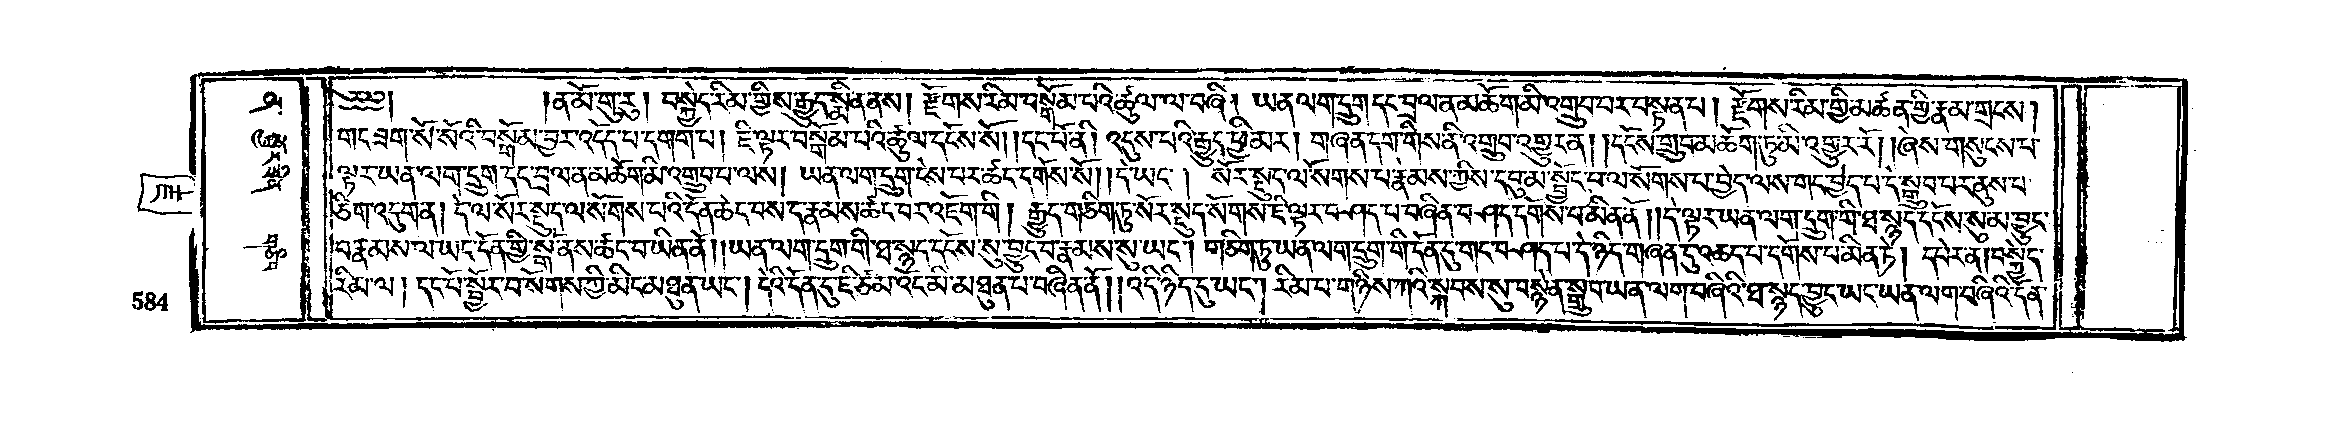༄༅༅། །ན་མོ་གུ་རུ། བསྐྱེད་རིམ་གྱིས་རྒྱུད་སྨིན་ནས། རྫོགས་རིམ་བསྒོམ་པའི་ཚུལ་ལ་བཞི། ཡན་ལག་དྲུག་དང་བྲལ་ན་མཆོག་མི་འགྲུབ་པར་བསྟན་པ། རྫོགས་རིམ་གྱི་མཚན་གྱི་རྣམ་གྲངས།
གང་ཟག་སོ་སོའི་བསྒོམ་བྱར་འདོད་པ་དགག་པ། ཇི་ལྟར་བསྒོམ་པའི་ཚུལ་དངོས་སོ། །དང་པོ་ནི། འདུས་པའི་རྒྱུད་ཕྱི་མར། གཞན་དག་གིས་ནི་འགྲུབ་འགྱུར་ན། །དངོས་གྲུབ་མཆོག་ཏུ་མི་འགྱུར་རོ། །ཞེས་གསུངས་པ་
ལྟར་ཡན་ལག་དྲུག་དང་བྲལ་ན་མཆོག་མི་འགྲུབ་པ་ལས། ཡན་ལག་དྲུག་ངེས་པར་ཚང་དགོས་སོ། །དེ་ཡང་། སོར་སྡུད་ལ་སོགས་པ་རྣམས་ཀྱིས་དབུ་མ་སྦྱོང་བ་ལ་སོགས་པ་བྱེད་ལས་གང་བྱེད་པ་དེ་སྒྲུབ་པར་ནུས་པ་
ཅིག་འདུག་ན། དེ་ལ་སོར་སྡུད་ལ་སོགས་པའི་དོན་ཚང་བས་དེ་རྣམས་ཚང་བར་འཇོག་གི །རྒྱུད་གཅིག་ཏུ་སོར་སྡུད་སོགས་ཇི་ལྟར་བཤད་པ་བཞིན་བཤད་དགོས་པ་མིན་ནོ། །དེ་ལྟར་ཡན་ལག་དྲུག་གི་ཐ་སྙད་དངོས་སུ་མ་བྱུང་
བ་རྣམས་ལ་ཡང་དོན་གྱི་སྒོ་ནས་ཚང་བ་ཡིན་ནོ། །ཡན་ལག་དྲུག་གི་ཐ་སྙད་དངོས་སུ་བྱུང་བ་རྣམས་སུ་ཡང་། གཅིག་ཏུ་ཡན་ལག་དྲུག་གི་དོན་དུ་གང་བཤད་པ་དེ་ཉིད་གཞན་དུ་འཆད་པ་དགོས་པ་མིན་ཏེ། དཔེར་ན། བསྐྱེད་
རིམ་ལ། དང་པོ་སྦྱོར་བ་སོགས་ཀྱི་མིང་མཐུན་ཡང་། དེའི་དོན་དུ་ཇི་ཙམ་འོང་མི་མཐུན་པ་བཞིན་ནོ། །འདི་ཉིད་དུ་ཡང་། རིམ་པ་གཉིས་ཀའི་སྐབས་སུ་བསྙེན་སྒྲུབ་ཡན་ལག་བཞིའི་ཐ་སྙད་བྱུང་ཡང་ཡན་ལག་བཞིའི་དོན་